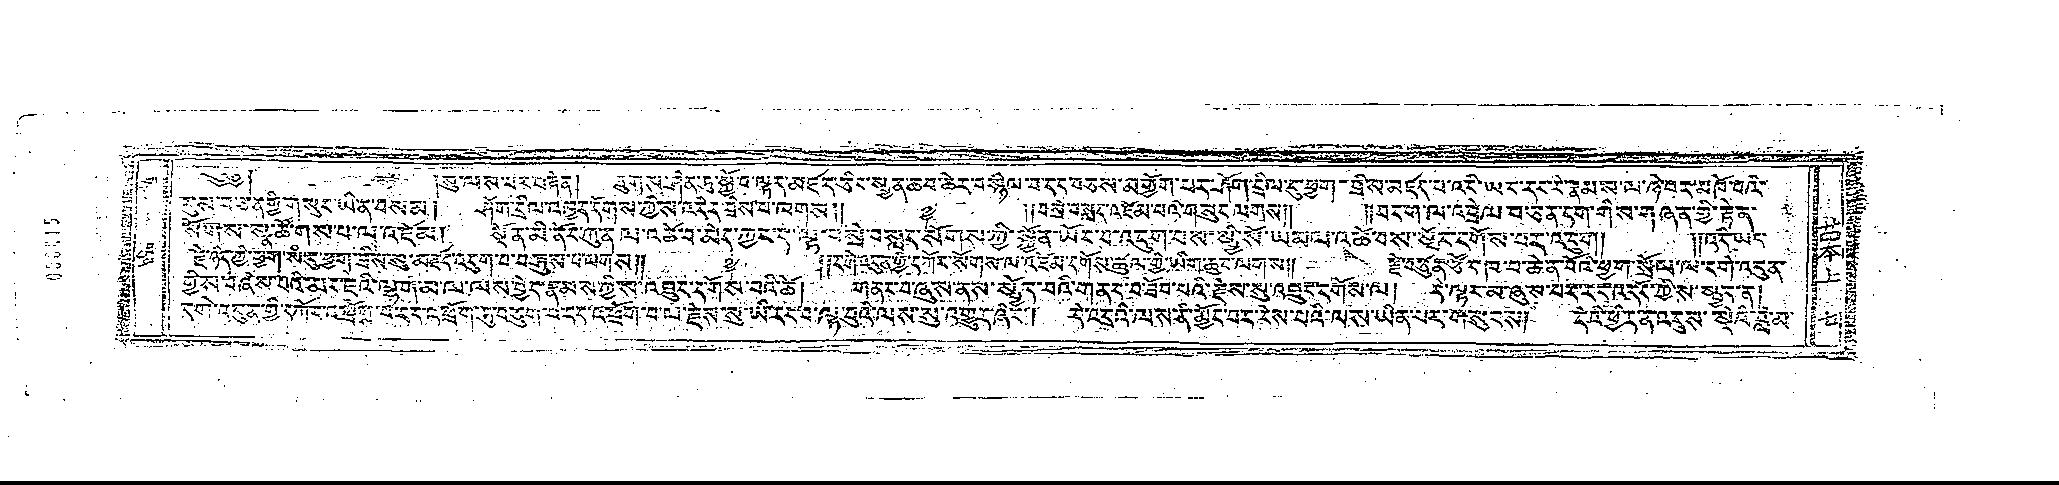༄༅། །སུ་ལས་པར་བརྟེན། ཐུགས་ཤིན་ཏུ་སྐྱོ་བ་ལྟར་མཛད་ཅིང་སྤྱན་ཆབ་ཆེད་བསྙིལ་བ་དང་བཅས་མགྱོག་པར་ཤོག་དྲིལ་དུ་ཕྱག་བྲིས་མཛད་པ་འདི་ཡང་རང་རེ་རྣམས་ལ་ཉེ་བར་མཁོ་བའི་
རས་པ་ཅན་གྱི་གསུང་ཡིན་བསམ། ཤོག་དྲིལ་འཁྱད་དོགས་ཀྱིས་འདེར་བྲིས་པ་ལགས།། ༈ །།བསྲེབ་སླང་འཇོམ་པའི་གསུང་ལགས།། །།བདག་ལ་འབྲེལ་བ་ཅན་དག་གིས་གཞན་གྱི་རྟེན་
སོགས་སྣ་ཚོགས་པ་ལ་འཛེམ། སྔོན་མི་ནོར་ཀུན་ལ་འཚེ་བ་མེད་ཀྱང་ད་ལྟ་བསྲེ་བ་སླད་སོགས་ཀྱི་སྐྱོན་ཡོད་བ་འདུག་པས་སྤྱི་སོ་ཡམ་ལ་འཚེ་བས་སྤོང་དགོས་པར་འདུག། །།འདི་ཡང་
རྗེ་ཉིད་ཀྱི་ཕྱག་སཾ་དུ་ཕྱག་བྲིས་སུ་མཛད་འདུག་པ་བཤུས་པ་ལགས།། ༈ །།དགེ་འདུན་གྱི་དགོང་སོགས་ལ་འཇོམ་དགོས་ཚུལ་གྱི་ཡིག་ཆུར་ལགས།། རྗེ་བཙུན་ཙོང་ཁ་པ་ཆེན་བོའི་ཕྱག་སྲོལ་ལ་དགེ་འདུན་
གྱིས་བཞེས་པའི་མང་ཇའི་ལྷག་མ་ལ་ལས་བྱེད་རྣམས་ཀྱིས་འཐུང་དགོས་པའི་ཚེ། གནང་བ་ཞུས་ནས་སྤྱོད་བའི་གནང་བ་ཐོབ་པའི་རྗེས་སུ་འཐུང་དགོས་ལ། དེ་ལྟར་མ་ཞུས་པར་རང་འདོད་གྱིས་སྤྱད་ན།
དགེ་འདུན་གྱི་དཀོར་འཕྲོགས་པ་དང་འཕྲོག་ཏུ་བཅུག་པ་དང་འཕྲོག་བ་ལ་རྗེས་སུ་ཡི་རང་བ་ལྟ་བུའི་ལས་སུ་འགྱུར་ཞིང་། དེ་འདྲའི་ལས་ནི་མྱོང་བར་ངེས་པའི་ལས་ཡིན་པར་གསུངས། དེའི་ཕྱིར་ན་འདུས་སྡེའི་བླ་མ་